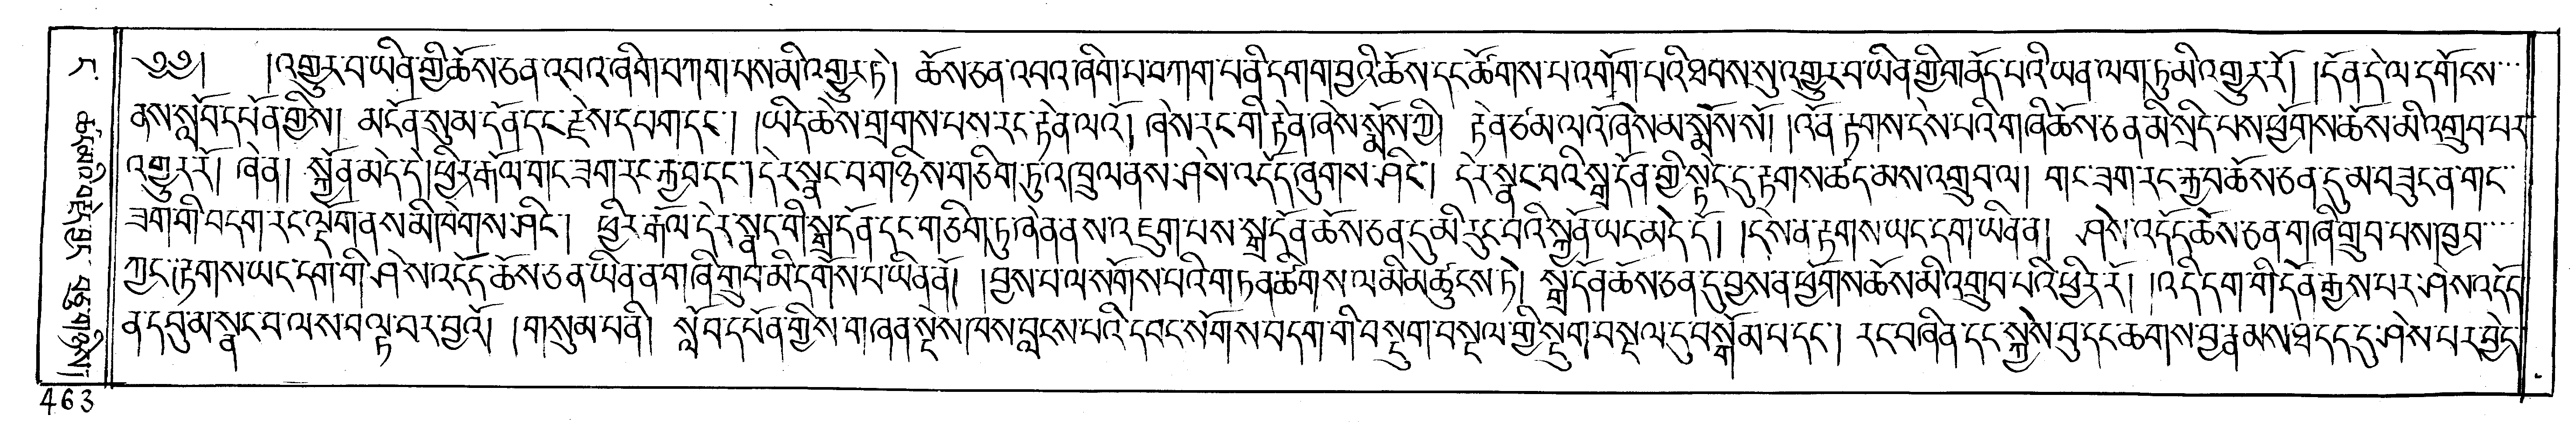༄༅། །འགྱུར་བ་ཡིན་གྱི་ཆོས་ཅན་འབའ་ཞིག་བཀག་པས་མི་འགྱུར་ཏེ། ཆོས་ཅན་འབའ་ཞིག་པ་བཀག་པ་ནི་དགག་བྱའི་ཆོས་དང་ཚོགས་པ་འགོག་པའི་ཐབས་སུ་འགྱུར་བ་ཡིན་གྱི་གནོད་པའི་ཡན་ལག་ཏུ་མི་འགྱུར་རོ། །དོན་དེ་ལ་དགོངས་
ནས་སློབ་དཔོན་གྱིས། མངོན་སུམ་དོན་དང་རྗེས་དཔག་དང་། །ཡིད་ཆེས་གྲགས་པས་རང་རྟེན་ལའོ། ཞེས་རང་གི་རྟེན་ཞེས་སྨོས་ཀྱི། རྟེན་ཙམ་ལའོ་ཞེས་མ་སྨོས་སོ། །འོ་ན་རྟགས་ངེས་པའི་གཞི་ཆོས་ཅན་མི་སྲིད་པས་ཕྱོགས་ཆོས་མི་འགྲུབ་པར་
འགྱུར་རོ། ཞེ་ན། སྐྱོན་མེད་དེ། ཕྱིར་རྒོལ་གང་ཟག་རང་རྐྱ་བ་དང་། དེར་སྣང་བ་གཉིས་གཅིག་ཏུ་འཁྲུལ་ནས་ཤེས་འདོད་ཞུགས་ཤིང་། དེར་སྣང་བའི་སྒྲ་དོན་གྱི་སྟེང་དུ་རྟགས་ཚད་མས་འགྲུབ་ལ། གང་ཟག་རང་རྐྱ་བ་ཆོས་ཅན་དུ་མ་བཟུང་ན་གང་
ཟག་གི་བདག་རང་ལྡོག་ནས་མི་ཁེགས་ཤིང་། ཕྱིར་རྒོལ་དེར་སྣང་གི་སྒྲ་དོན་དང་གཅིག་ཏུ་ཞེན་ནས་འཇུག་པས་སྒྲ་དོན་ཆོས་ཅན་དུ་མི་རུང་བའི་སྐྱོན་ཡང་མེད་དོ། །དེས་ན་རྟགས་ཡང་དག་ཡིན་ན། ཤེས་འདོད་ཆོས་ཅན་གཞི་གྲུབ་པས་ཁྱབ་
ཀྱང༑ རྟགས་ཡང་དག་གི་ཤེས་འདོད་ཆོས་ཅན་ཡིན་ན་གཞི་གྲུབ་མི་དགོས་པ་ཡིན་ནོ། །བྱས་པ་ལ་སོགས་པའི་གཏན་ཚིགས་ལ་མི་མཚུངས་ཏེ། སྒྲ་དོན་ཆོས་ཅན་དུ་བྱས་ན་ཕྱོགས་ཆོས་མི་འགྲུབ་པའི་ཕྱིར་རོ། །འདི་དག་གི་དོན་རྒྱས་པར་ཤེས་འདོད་
ན་དབུ་མ་སྣང་བ་ལས་བལྟ་བར་བྱའོ། །གསུམ་པ་ནི། སློབ་དཔོན་གྱིས་གཞན་སྡེས་ཁས་བླངས་པའི་དབང་སོགས་བདག་གི་བ་སྡུག་བསྔལ་གྱི་སྡུག་བསྔལ་དུ་བསྒོམ་པ་དང་། རང་བཞིན་དང་སྐྱེས་བུ་དང་ཆགས་བྱ་རྣམས་ཐ་དད་དུ་ཤེས་པར་བྱེད་